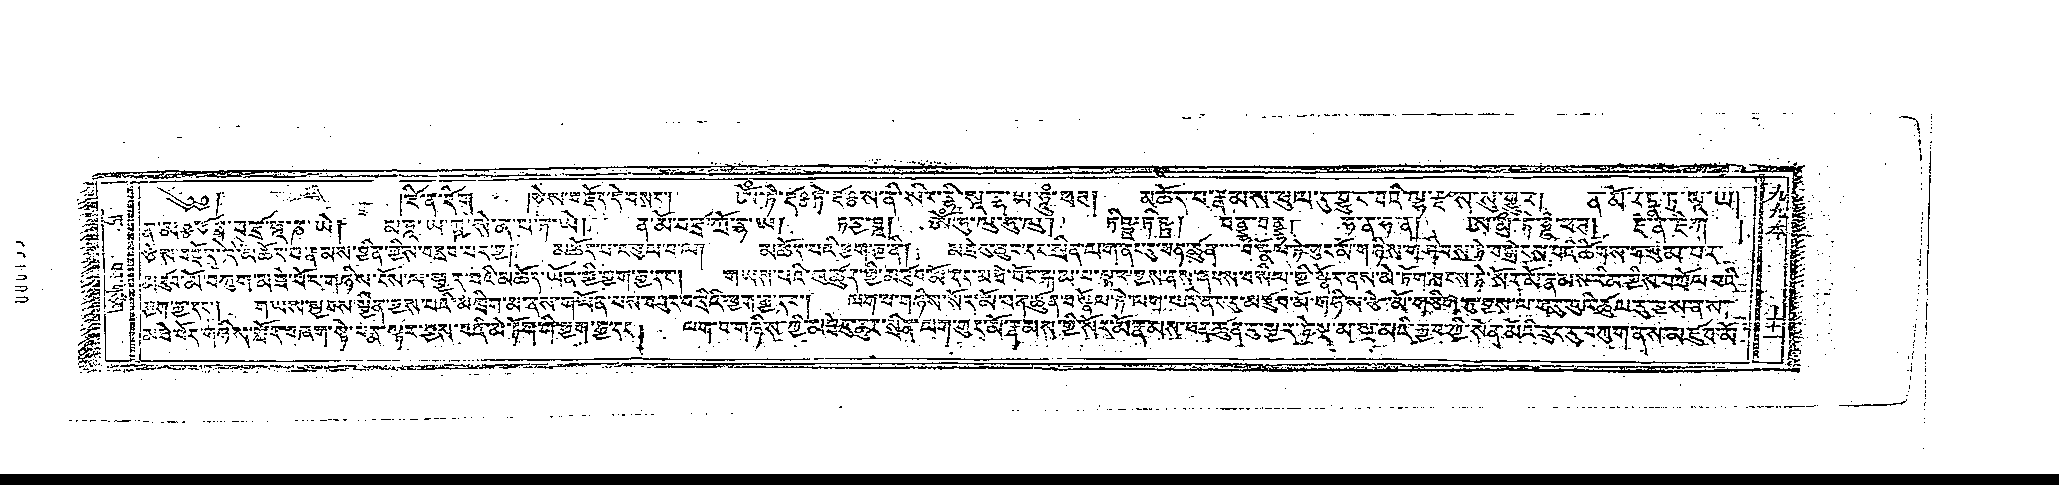ཛིན་ཛི་ཀ །ཅེས་བརྗོད་དེ་བསང་། ཨོཾ་ཏ་ཛཿ་ཏ་ཛཿ་ས་ནི་སིང་དྷི་སཱ་དྷ་ཡ་ཧཱུཾ་ཕཊ། མཆོད་པ་རྣམས་ཕུལ་དུ་བྱུང་བའི་ལྷ་རྫས་སུ་གྱུར། ན་མོ་རཏྣ་ཏྲ་ཡཱ་ཡ།
ན་མཿ་ཙནྚ་བཛྲ་པཱ་ཎ་ཡེ། མྷཱ་ཡ་ཀྵ་སེ་ན་པ་ཏ་ཡེ། ན་མོ་བཛྲ་ཀྲོ་དྷ་ཡ། ཏཏྱ་ཐཱ། ཨོཾ་ཧུ་རུ་ཧུ་ལུ། ཏིཥཊཿཨ་ཏིཥཊཿཨ་བནྡྷ་བནྡྷ། ཧ་ན་ཧ་ན། ཨ་མྲྀ་ཏེ་ཧཱུཾ་ཕཊ། ཛི་ན་ཛི་ཀ།
ཅེས་བརྗོད་དེ་མཆོད་པ་རྣམས་བྱིན་གྱིས་བརླབ་བར་བྱ། མཆོད་པ་འབུལ་བ་ལ། མཆོད་པའི་ཕྱག་རྒྱ། མཐེའུ་ཆུང་དང་སྲིན་ལག་ནང་དུ་ཕན་ཚུན་བསྣོལ་ཏེ་གུང་མོ་གཉིས་གཤིབས་ཏེ་བསྒྲེངས་པའི་ཚིགས་གསུམ་བར་
མཛུབ་མོ་བཀུག་མཐེ་བོང་གཉིས་ངོས་ལ་སྦྱར་བའི་མཆོད་ཡོན་གྱི་ཕྱག་རྒྱ་དང་། མཆོད་པའི་ཕྱག་རྒྱ། གཡས་པའི་ཁུ་ཚུར་གྱི་མཛུབ་མོ་དང་མྷེ་བོང་སྐམ་པ་ལྟར་བྱས་ནས་ཞབས་བསིལ་གྱི་སྣོད་ནངས་མེ་ཏོག་བླངས་ཏེ་སོར་མོ་རྣམས་རིམ་གྱིས་བཀྲོལ་བའི་
ཕྱག་རྒྱ་དང་། གཡས་སྐྱབས་སྦྱིན་བྱས་པའི་མཁྲིག་མ་ནས་གཡོན་པས་བཟུང་བ་དྲིའི་ཕྱག་རྒྱ་དང་། ལག་པ་གཉིས་སོར་མོ་ཕན་ཚུན་བསྣོལ་ཏེ་ལག་པའི་ནང་དུ་མཛུབ་མོ་གཉིས་རྩེ་མོ་གཅིག་ཏུ་བྱས་ལ་གདུ་བུའི་ཚུལ་དུ་བྱས་ནས་
མཐེ་བོང་གཉིས་གློར་བཞག་སྟེ་པདམ་ལྟར་བྱས་པའི་མེ་ཏོག་གི་ཕྱག་རྒྱ་དང་། ལག་པ་གཉིས་ཀྱི་མཐེའུ་ཆུང་སྲིན་ལག་གུང་མོ་རྣམས་ཀྱི་སོར་མོ་རྣམས་ཕན་ཚུན་དུ་སྦྱར་ཏེ་སྔ་མ་སྔ་མའི་རྒྱབ་ཀྱི་སེན་མོའི་དྲུང་དུ་བཀུག་ནས་མཛུབ་མོ་